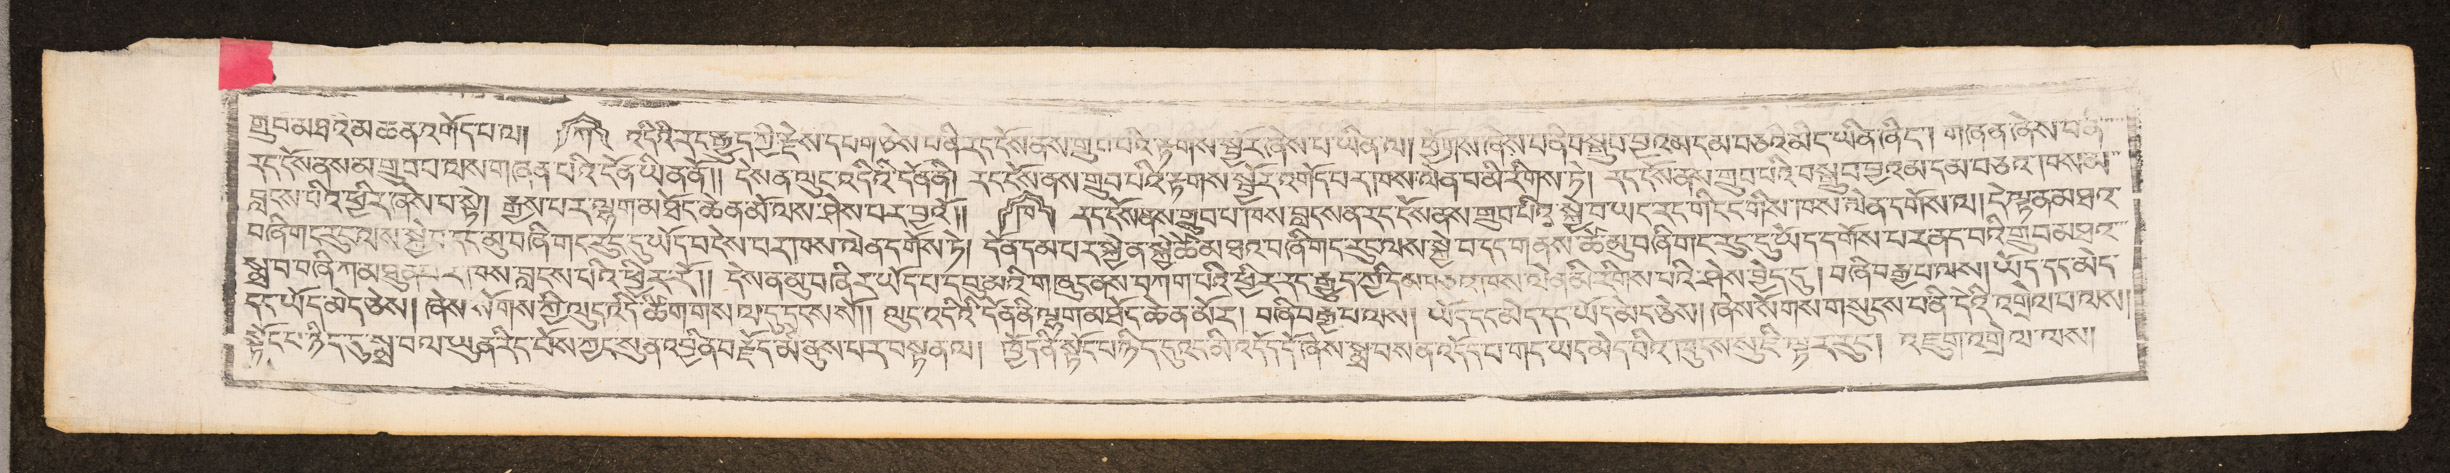གྲུབ་མཐའི་མཆན་འགོད་པ་ལ། ༼༽ཀ༼༽ འདིའི་རང་རྒྱུད་ཀྱི་རྗེས་དཔག་ཅེས་པ་ནི་རང་ངོས་ནས་གྲུབ་པའི་རྟགས་སྦྱོར་ཞེས་པ་ཡིན་ལ། ཕྱོགས་ཞེས་པ་ནི་བསྒྲུབ་བྱ་འམ་ངམ་བཅའི་མིང་ཡིན་ཞིང་། གཞན་ཞེས་པ་ནི་
རང་ངོས་ནས་མ་གྲུབ་པ་ལས་གཞན་པའི་དོན་ཡིན་ནོ། །དེས་ན་ལུང་འདིའི་དོན་ནི། རང་ངོས་ནས་གྲུབ་པའི་རྟགས་སྦྱོར་འགོད་པར་ཁས་ལེན་པ་མི་རིགས་ཏེ། རང་ངོས་ནས་གྲུབ་པའི་བསྒྲུབ་བྱའམ་དམ་བཅའ་ཁས་མ་
བླངས་པའི་ཕྱིར་ཞེས་པ་སྟེ། རྒྱས་པར་ལྷག་མཐོང་ཆེན་མོ་ལས་ཤེས་པར་བྱའོ། ། ༼༽ཁ༼༽ རང་ངོས་ནས་གྲུབ་པ་ཁས་བླང་ན་རང་ངོས་ནས་གྲུབ་པའི་སྐྱེ་བ་ཡང་རང་གི་དང་གིས་ཁས་ལེན་དགོས་ལ། དེ་ལྟ་ན་མཐའ་
བཞི་གང་རུང་ལས་སྐྱེ་བ་དང་མུ་བཞི་གང་རུང་དུ་ཡོད་པ་ངེས་པར་ཁས་ལེན་དགོས་ཏེ། དོན་དམ་པར་སྐྱེ་ན་སྐྱེ་ཚེ་མཐའ་བཞི་གང་རུང་ལས་སྐྱེ་བ་དང་གནས་ཚེ་མུ་བཞི་གང་རུང་དུ་ཡོད་དགོས་པར་ནང་པའི་གྲུབ་མཐའ་
སྨྲ་བ་བཞི་ཀ་མཐུན་པར་ཁས་བླངས་པའི་ཕྱིར་རོ། །དེས་ན་མུ་བཞིར་ཡོད་པ་དབུ་མའི་གཞུང་ནས་བཀག་པའི་ཕྱིར་རང་རྒྱུད་ཀྱི་དམ་བཅའ་ཁས་ལེན་མི་རིགས་པའི་ཤེས་བྱེད་དུ། །བཞི་བརྒྱ་པ་ལས། ཡོད་དང་མེད་
དང་ཡོད་མེད་ཅེས། ཞེས་སོགས་ཀྱི་ལུད་འདི་ཚིག་གསལ་དུ་དྲངས་སོ། །ལུང་འདིའི་དོན་ནི་ལྷག་མཐོང་ཆེན་མོར། བཞི་བརྒྱ་པ་ལས། ཡོད་དང་མེད་དང་ཡོད་མེད་ཅེས། ཞེས་སོགས་གསུངས་པ་ནི་དེའི་འགྲེལ་པ་ལས།
སྟོང་པ་ཉིད་དུ་སྨྲ་བ་ལ་ཡུན་རིང་པོས་ཀྱང་སུན་འབྱིན་བརྗོད་མི་ནུས་པར་བསྟན་ལ། ཁྱོད་ནི་སྟོང་པ་ཉིད་དུ་འང་མི་འདོད་དོ་ཞེས་སྨྲ་བས་ན་འདོད་པ་གང་ཡང་མེད་པའི་ཁུངས་སུ་ཇི་ལྟར་རུང་། འཇུག་འགྲེལ་ལས།